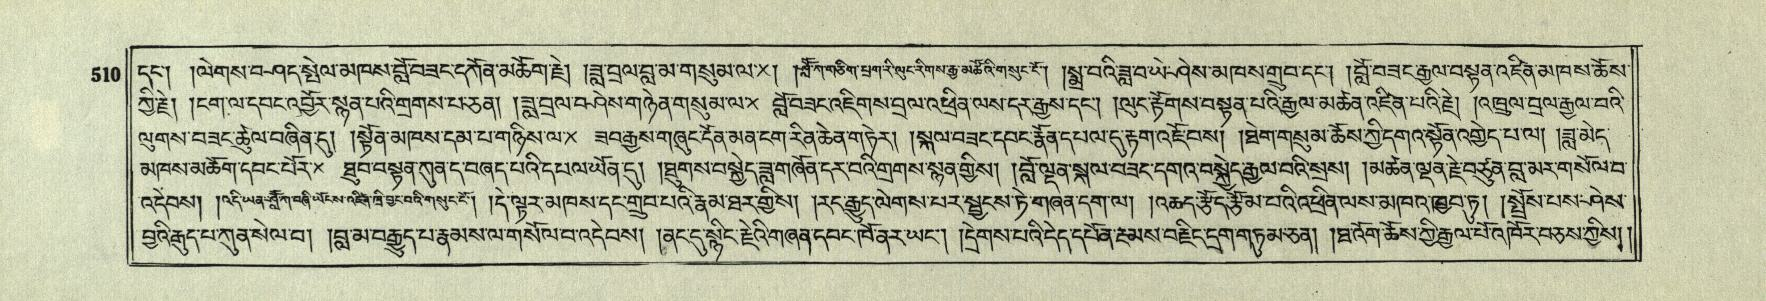དང་། །ལེགས་བཤད་སྤེལ་མཁས་བློ་བཟང་དཀོན་མཆོག་རྗེ། །ཟླ་བྲལ་བླ་མ་གསུམ་ལ་྾་། ། ཤླཽ་ཀ་གཅིག་པྲག་རི་ལུང་རིགས་རྒྱ་མཚོའི་གསུང་ངོ། །སྨྲ་བའི་ཟླ་བ་ཡེ་ཤེས་མཁས་གྲུབ་དང་། །བློ་བཟང་རྒྱལ་བསྟན་འཛིན་མཁས་ཆོས་
ཀྱི་རྗེ། །ངག་ལ་དབང་འབྱོར་སྙན་པའི་གྲགས་པ་ཅན། །ཟླ་བྲལ་བཤེས་གཉེན་གསུམ་ལ་྾་བློ་བཟང་འཇིགས་བྲལ་འཕྲིན་ལས་དར་རྒྱས་དང་། །ལུང་རྟོགས་བསྟན་པའི་རྒྱལ་མཚན་འཛིན་པའི་རྗེ། །འཁྲུལ་བྲལ་རྒྱལ་བའི་
ལུགས་བཟང་ཚུལ་བཞིན་དུ། །སྟོན་མཁས་དམ་པ་གཉིས་ལ་྾་ཟབ་རྒྱས་གཞུང་དོན་མན་ངག་རིན་ཆེན་གཏེར། །སྐལ་བཟང་དབང་རྣོན་དཔལ་དུ་རྟག་འཇོ་བས། །ཐེག་གསུམ་ཆོས་ཀྱི་དགའ་སྟོན་འགྱེད་པ་ལ། །ཟླ་མེད་
མཁས་མཆོག་དབང་པོར་྾་ཐུབ་བསྟན་ཀུན་ད་བཞད་པའི་དཔལ་ཡོན་དུ། །ཐུགས་བསྐྱེད་ཟླ་གཞོན་དར་བའི་གྲགས་སྙན་གྱིས། །བློ་ལྡན་སྐལ་བཟང་དགའ་བསྐྱེད་རྒྱལ་བའི་སྲས། །མཚན་ལྡན་རྗེ་བཙུན་བླ་མར་གསོལ་བ་
འདེབས། ། འདི་ཡན་ཤླཽ་ཀ་བཞི་ཡོངས་འཛིན་ཁྲི་བྱང་བའི་གསུང་ངོ། །དེ་ལྟར་མཁས་དང་གྲུབ་པའི་རྣམ་ཐར་གྱིས། །རང་རྒྱུད་ལེགས་པར་སྦྱངས་ཏེ་གཞན་དག་ལ། །འཆད་རྩོད་རྩོམ་པའི་འཕྲིན་ལས་མཁའ་ཁྱབ་ཏུ། །སྤྲོས་པས་ཤེས་
བྱའི་རྒུད་པ་ཀུན་སེལ་བ། །བླ་མ་བརྒྱུད་པ་རྣམས་ལ་གསོལ་བ་འདེབས། །ནང་དུ་སྙིང་རྗེའི་གཞན་དབང་ཁོ་ནར་ཡང་། །དྲེགས་པའི་དེད་དཔོན་རྔམས་བརྗིད་དྲག་གཏུམ་ཅན། །ཐ་འོག་ཆོས་ཀྱི་རྒྱལ་པོ་འཁོར་བཅས་ཀྱིས། །